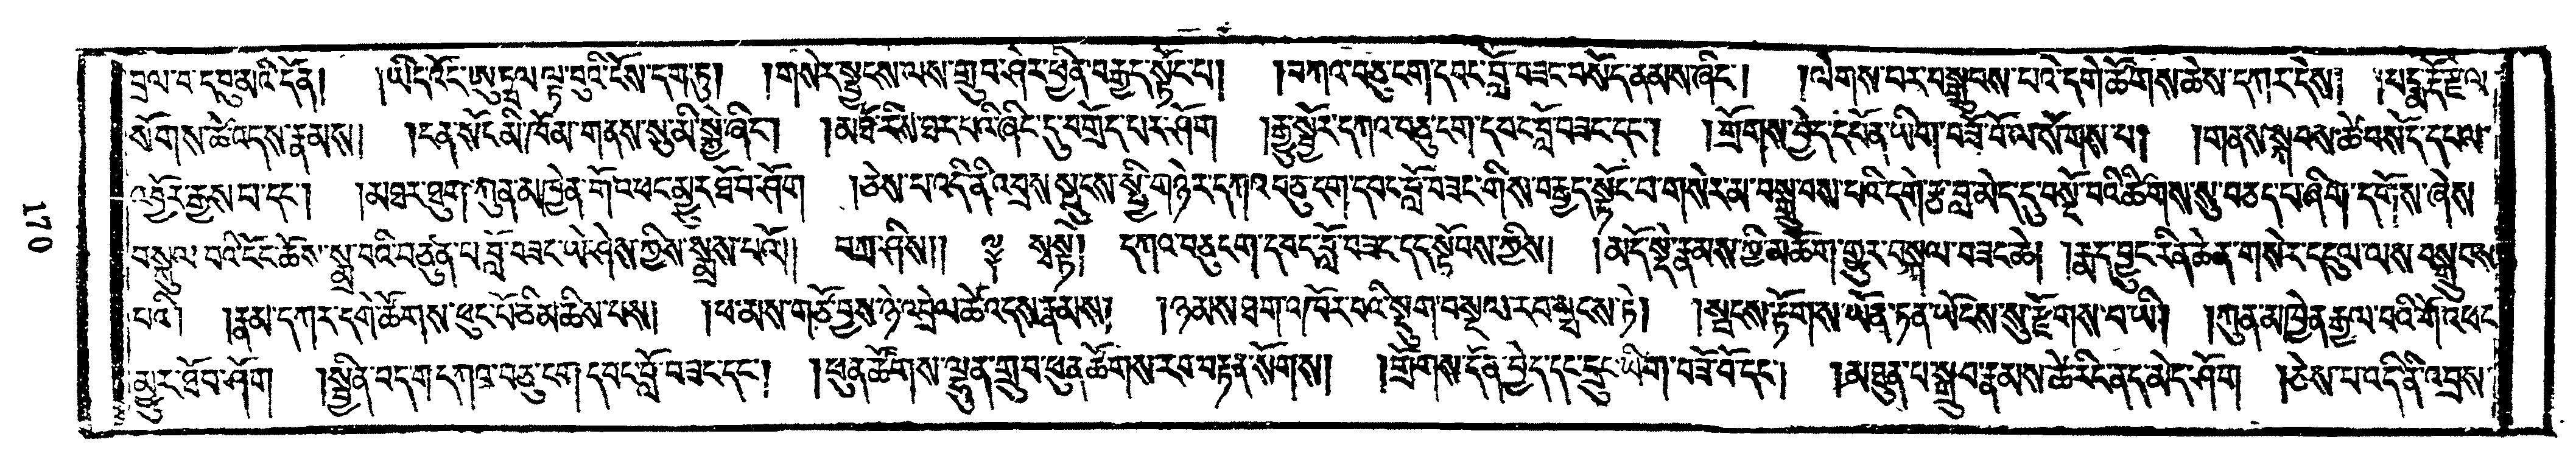བྲལ་བ་དབུ་མའི་དོན། །ཡིད་འོང་ཨུཏྤལ་ལྟ་བུའི་ངོས་དག་ཏུ། །གསེར་སྦྱངས་ལས་གྲུབ་ཤེར་ཕྱིན་བརྒྱད་སྟོང་པ། །བཀའ་བཅུ་ངག་དབང་བློ་བཟང་བསོད་ནམས་ཞིང་། །ལེགས་པར་བསྒྲུབས་པའི་དགེ་ཚོགས་ཆེས་དཀར་ངེས། །པདམ་རྡོ་རྗེ་ལ་
སོགས་ཚེ་འདས་རྣམས། །ངན་སོང་མི་ཁོམ་གནས་སུ་མི་སྐྱེ་ཞིང་། །མཐོ་རིས་ཐར་པའི་ཞིང་དུ་བགྲོད་པར་ཤོག །རྒྱུ་སྦྱོར་དཀའ་བཅུ་ངག་དབང་བློ་བཟང་དང་། །གྲོགས་བྱེད་དཔོན་ཡིག་བཟོ་བོ་ལ་སོགས་པ། །གནས་སྐབས་ཚེ་བསོད་དཔལ་
འབྱོར་རྒྱས་པ་དང་། །མཐར་ཐུག་ཀུན་མཁྱེན་གོ་འཕང་མྱུར་ཐོབ་ཤོག །ཅེས་པ་འདི་ནི་འབྲས་སྤུངས?་སྤྱི་གཉེར་དཀའ་བཅུ་ངག་དབང་བློ་བཟང་གིས་བརྒྱད་སྟོང་པ་གསེར་མ་བསྒྲུབས་པའི་དགེ་རྩ་བླ་མེད་དུ་བསྔོ་བའི་ཚིགས་སུ་བཅད་པ་ཞིག་དགོས་ཞེས་
བསྐུལ་བའི་ངོང་ཆོས་སྨྲ་བའི་བཙུན་པ་བློ་བཟང་ཡེ་ཤེས་ཀྱིས་སྨྲས་པའོ།། བཀྲ་ཤིས།། ༈ སྭསྟི། དཀའ་བཅུ་ངག་དབང་བློ་བཟང་དད་སྟོབས་ཀྱིས། །མདོ་སྡེ་རྣམས་ཀྱི་མཆོག་གྱུར་བསྐལ་བཟང་ཆེ། །རྨད་བྱུང་རིན་ཆེན་གསེར་དངུལ་ལས་བསྒྲུབས་
པའི། །རྣམ་དཀར་དགེ་ཚོགས་ཕུང་པོ་ཅིམ་ཆིས་པས། །ཕ་མས་གཙོ་བྱས་ཉེ་འབྲེལ་ཚེ་འདས་རྣམས། །ཉམས་ཐག་འཁོར་པའི་སྡུག་བསྔལ་རབ་སྤངས་ཏེ། །སྦངས་རྟོགས་ཡོན་ཏན་ཡོངས་སུ་རྫོགས་བ་ཡི། །ཀུན་མཁྱེན་རྒྱལ་བའི་གོ་འཕང་
མྱུར་ཐོབ་ཤོག །སྦྱིན་བདག་དཀའ་བཅུ་ངག་དབང་བློ་བཟང་དང་། །ཕུན་ཚོགས་ལྷུན་གྲུབ་ཕུན་ཚོགས་རབ་བརྟན་སོགས། །གྲོགས་དོན་བྱེད་དང་དྲུང་ཡིག་བཟོ་བོ་དང་། །མཐུན་པ་སྒྲུབ་རྣམས་ཚེ་རིང་ནད་མེད་ཤོག །ཅེས་པ་འདི་ནི་འབྲས་